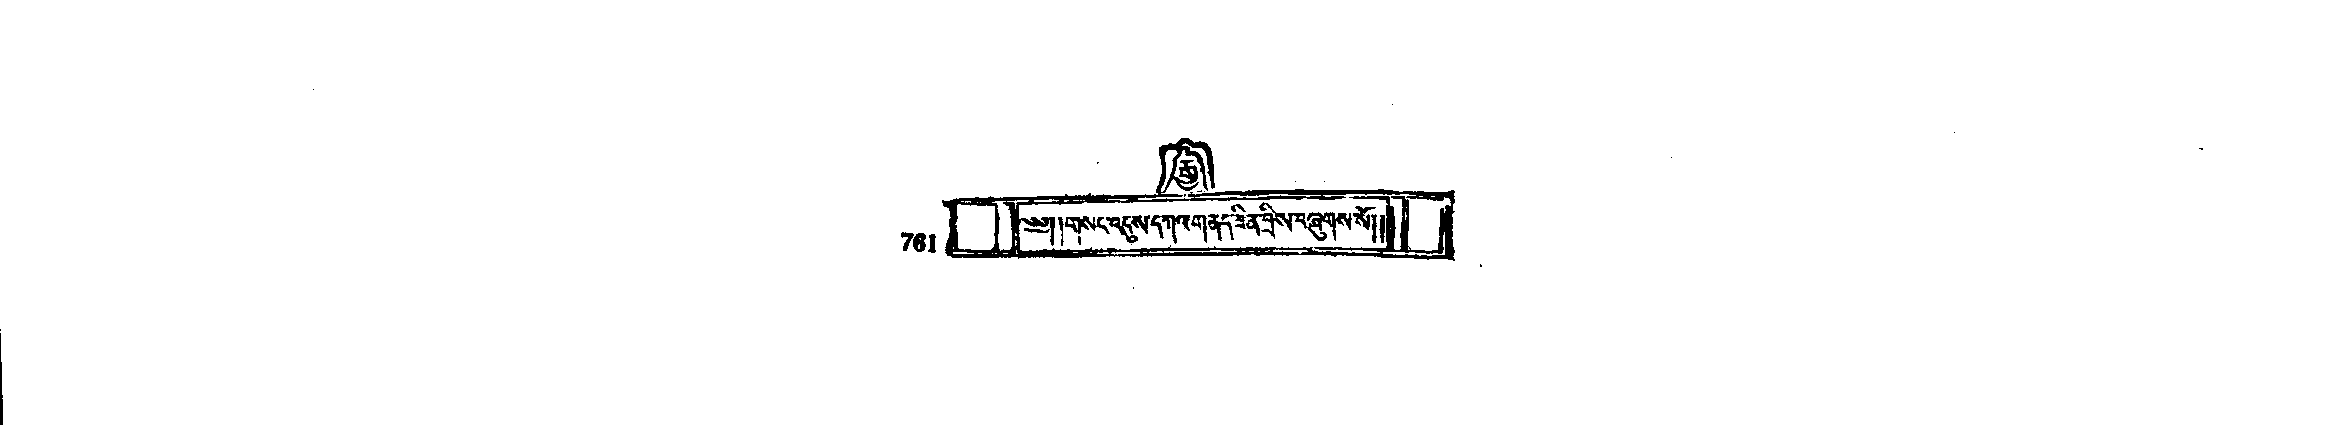??རྒྱ྄་༄༅། །གསང་འདུས་དཀའ་གནད་ཟིན་བྲིས་བཞུགས་སོ། །